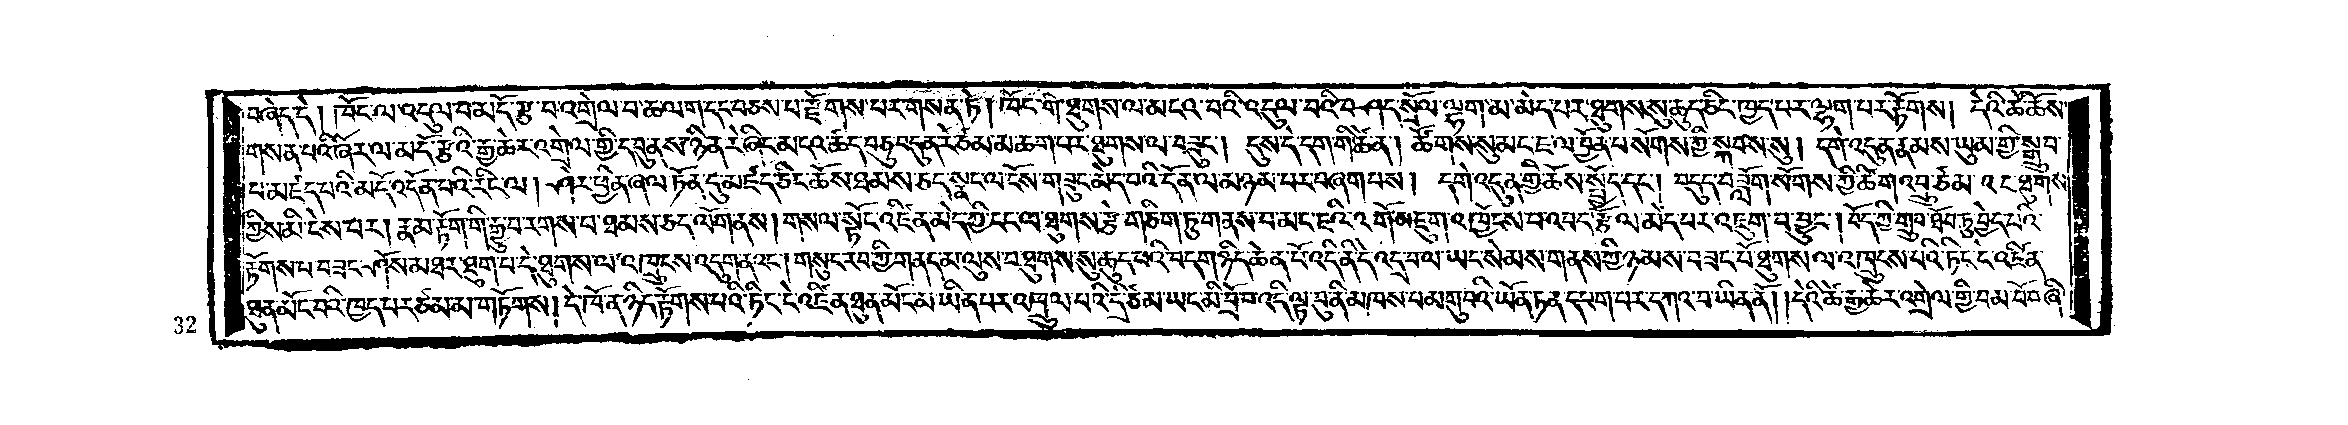བཞེད་དེ། ཁོང་ལ་འདུལ་བ་མདོ་རྩ་བ་འགྲེལ་བ་ཆ་ལག་དང་བཅས་པ་རྫོགས་པར་གསན་ཏེ། ཁོང་གི་ཐུགས་ལ་མངའ་བའི་འདུལ་བའི་བཤད་སྲོལ་ལྷག་མ་མེད་པར་ཐུགས་སུ་ཆུད་ཅིང་ཁྱད་པར་ལྷག་པར་རྟོགས། དེའི་ཚེ་ཆོས་
གསན་པའི་ཞོར་ལ་མདོ་རྩའི་རྒྱ་ཆེར་འགྲེལ་གྱི་དབུ་ནས་ཉིན་རེ་ཞིང་མདའ་ཚད་བཅུ་བདུན་རེ་ཙམ་མ་ཆག་པར་ཐུགས་ལ་བཟུང་། དུས་དེ་དག་གི་ཚེ་ན། ཚོགས་སུ་མང་ཇ་ལ་བྱོན་པ་སོགས་ཀྱི་སྐབས་སུ། དགེ་འདུན་རྣམས་ཡུམ་གྱི་སྒྲུབ་
པ་མཛད་པའི་མདོ་འདོན་པའི་རིང་ལ། ཤེར་ཕྱིན་ཞལ་ཏོན་དུ་མཛད་ཅིང་ཆོས་ཐམས་ཅད་སྣང་ལ་ངོས་གཟུང་མེད་པའི་དོན་ལ་མཉམ་པར་བཞག་པས། དགེ་འདུན་གྱི་ཆོས་སྤྱོད་དང་། བདུད་བཟློག་སོགས་ཀྱི་ཚིག་འབྲུ་ཙམ་འང་ཐུགས་
ཀྱིས་མི་ངེས་པར། རྣམ་རྟོག་གི་རྒྱུ་བ་རགས་པ་ཐམས་ཅད་ལོག་ནས། གསལ་སྟོང་འཛིན་མེད་ཀྱི་ངང་ལ་ཐུགས་རྩེ་གཅིག་ཏུ་གནས་པ་མང་ཇའི་འགོ་མཇུག་འཁྱོངས་པ་འབད་རྩོལ་མེད་པར་འཇུག་པ་བྱུང་། བོད་ཀྱི་གྲུབ་ཐོབ་ཏུ་བྱེད་པའི་
རྟོགས་པ་བཟང་ཤོས་མཐར་ཐུག་པ་དེ་ཐུགས་ལ་འཁྲུངས་འདུག་ནའང་། གསུང་རབ་ཀྱི་གནད་མ་ལུས་པ་ཐུགས་སུ་ཆུད་པའི་བདག་ཉིད་ཆེན་པོ་འདི་ནི་དེ་འདྲ་བ་ལ་ཡང་སེམས་གནས་ཀྱི་ཉམས་བཟང་པོ་ཐུགས་ལ་འཁྲུངས་པའི་ཏིང་ངེ་འཛིན་
ཐུན་མོང་བའི་ཁྱད་པར་ཙམ་མ་གཏོགས། དེ་ཁོ་ན་ཉིད་རྟོགས་པའི་ཏིང་ངེ་འཛིན་ཐུན་མོང་མ་ཡིན་པར་འཁྲུལ་པའི་དྲི་ཙམ་ཡང་མི་བྲོ་བ་འདི་ལྟ་བུ་ནི་མཁས་པ་མགུ་བའི་ཡོན་ཏན་དཔག་པར་དཀའ་བ་ཡིན་ནོ། །དེའི་ཚེ་རྒྱ་ཆེར་འགྲེལ་གྱི་བམ་པོ་བཞི་